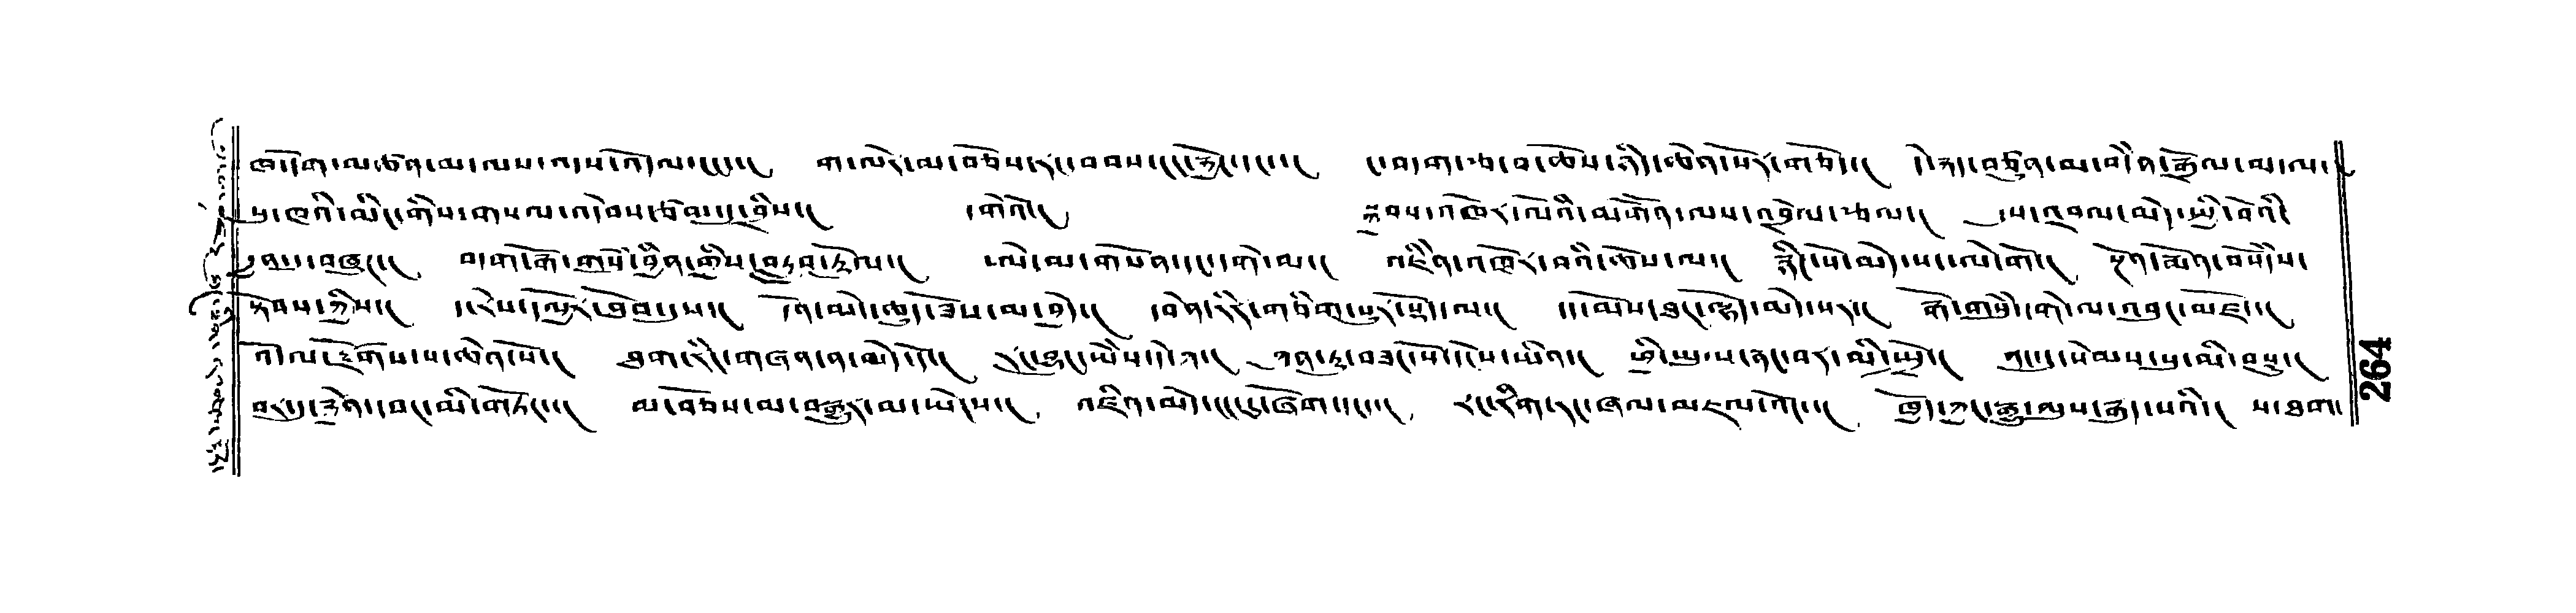ཁ་དོག་མཚན་མ་ལས་འདས་འོད་གསལ་ངང་། །ག་ལེར་མ་བཅོས་རང་བབས་ངང་སྐྱོངས་དང་། །ང་བདག་རྩ་བ་ཆོས་ཉིད་ཆེན་པོར་གཅོད། །དེ་སྐད་བཙུན་མ་བདེ་ཆེན་སྒྲོལ་མ་ལ། །
སུ་ཁའི་མིང་གིས་གསལ་འདེབས་ཙམ་དུ་བྲིས། དགེའོ།། སྐྱབས་འཁོར་ལོའི་མགོན་པོ་ལས་འབྲེལ་རྩལ། །དུས་འབྲལ་མེད་སྤྱི་བོའི་
རྒྱན་དུ་བཞུགས། །བདག་སྒོ་གསུམ་བྱིན་གྱིས་བརླབ་ཏུ་གསོལ། །ཨེ་མ་གསོན་དང་དགེ་མ། །འཇིག་རྟེན་འཁོར་བའི་ཆོས་ལ། །སྙིང་པོ་མེད་པ་ཨེ་གོ །སྔོན་སྨོན་བསོད་ནམས་
སྟོབས་ཀྱིས། །ད་རེས་དལ་འབྱོར་ཐོབ་དུས། །དོན་མེད་ཆུད་ཟོས་མ་བྱེད། །དབེན་རིར་གཅིག་པུར་སྡོད་ལ། །དད་མོས་ཐང་ལྷོད་མེད་པར། །སྒོ་གསུམ་དགེ་ལ་འབུངས་མཛོད། །
འོད་གསལ་རྫོགས་པ་ཆེན་པོ། །ཐག་རིང་གཞན་ན་མེད་དོ། །རང་བྱུང་ཡེ་ཤེས་དེ་ཀ །ཀུན་ཏུ་བཟང་པོ་དངོས་ཡིན། །ཕྱི་ཡུལ་སྣང་བར་མི་སྤྲོ། །ནང་དུ་སེམས་སུ་མི་བསྡུ། །
བར་དུ་རྐྱེན་དབང་མི་གཏོང་། །མ་བཅོས་མ་བསྒྱུར་མ་ཡེངས། །འཛིན་མེད་ངང་དུ་ཞོག་དང་། །རང་རིག་རང་ཞལ་མཇལ་འོང་། ཁྱོད་ཀྱང་སྒྱུ་ལུས་རྒུད་པས། །ས་ཐག་